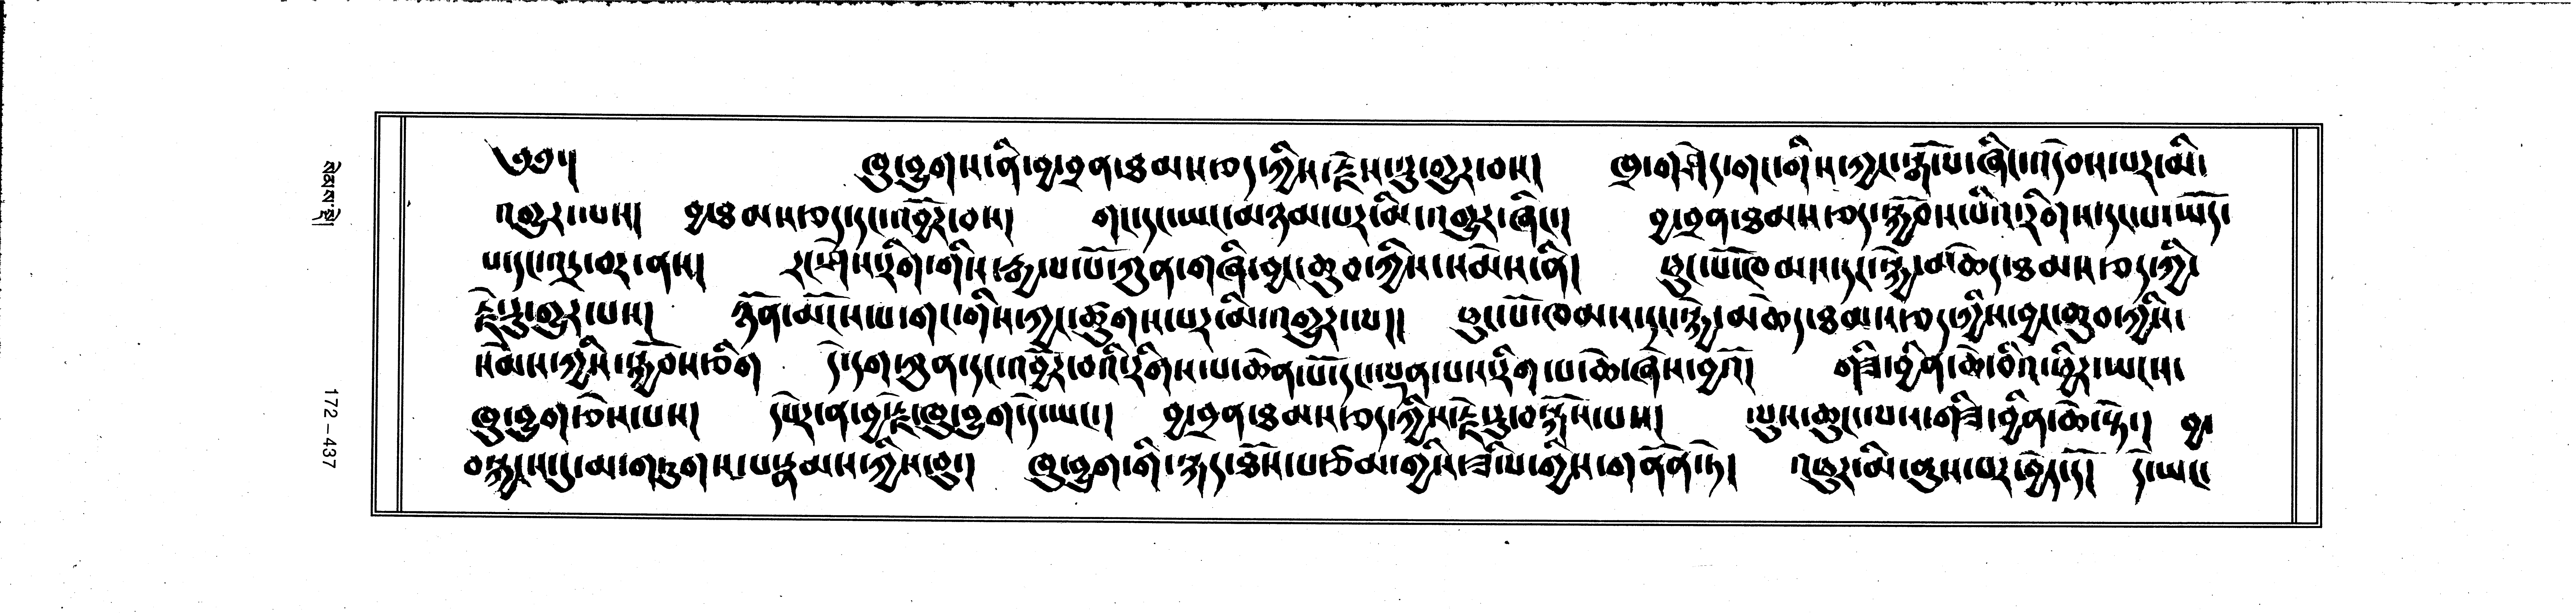ཁུ་བྱུག་ནི་བྱ་བྲན་ཐམས་ཅད་ཀྱིས་རྫེ་རུ་གྱུར་བས། ཁྲ་གཤེད་གང་གིས་ཀྱང་སྒོལ་ཞིང་འདེབས་པར་མི་
འགྱུར་ལས། བྱ་ཐམས་ཅད་དང་འབྱོར་བས། གང་དང་ཡང་མཉམ་པར་མི་འགྱུར་ཞིང་། བྱ་བྲན་ཐམས་ཅད་སྐྱོབས་པའི་རིགས་དང་པོ་ཡོད་
པ་དང་འདྲ་བར་ནས། རང་ཤེས་རིག་གིས་རྒྱལ་པོ་ཀུན་གཞི་བྱང་ཆུབ་ཀྱིས་སེམས་ནི། ཕུང་པོ་ཁམས་དང་སྐྱེ་མཆེད་ཐམས་ཅད་ཀྱི་
རྗེ་རུ་གྱུར་པས། ཉོན་མོངས་པ་གང་གིས་ཀྱང་ཚུགས་པར་མི་འགྱུར་ལ། ཕུང་པོ་ཁམས་དང་སྐྱེ་མཆེད་ཐམས་ཅད་ཀྱིས་བྱང་ཆུབ་ཀྱི་
སེམས་ཀྱིས་སྐྱོབས་ཅིག དེ་དག་ཀུན་དང་འབྱོར་བའི་རིག་པ་ཆེན་པོ་དང་ལྡན་པས་རིག་པ་ཆེ་ཞེས་བྱའོ། གཟི་བྱིན་ཆེ་བའི་ཕྱིར་ཡང་
ཁུ་བྱུག་ཅེས་པས། དཔེར་ན་བྱ་རྗེ་ཁུ་བྱུག་དེ་ཡང་། བྱ་བྲན་ཐམས་ཅད་ཀྱིས་རྗེ་རུ་བསྐོས་པས། ལུས་ཆུང་ལས་གཟི་བྱིན་ཆེ་སྟེ། བྱ་
བསྐྱངས་དུ་མ་གཏུགས་པ་རྣམས་ཀྱིས་བུ། ཁུ་བྱུག་གི་སྐད་ཐོས་པ་ཙམ་གྱིས་ཟིལ་གྱིས་གནོན་ཏེ། འཕུར་མི་ནུས་པར་བྱེད་དོ། དེ་ཡང་